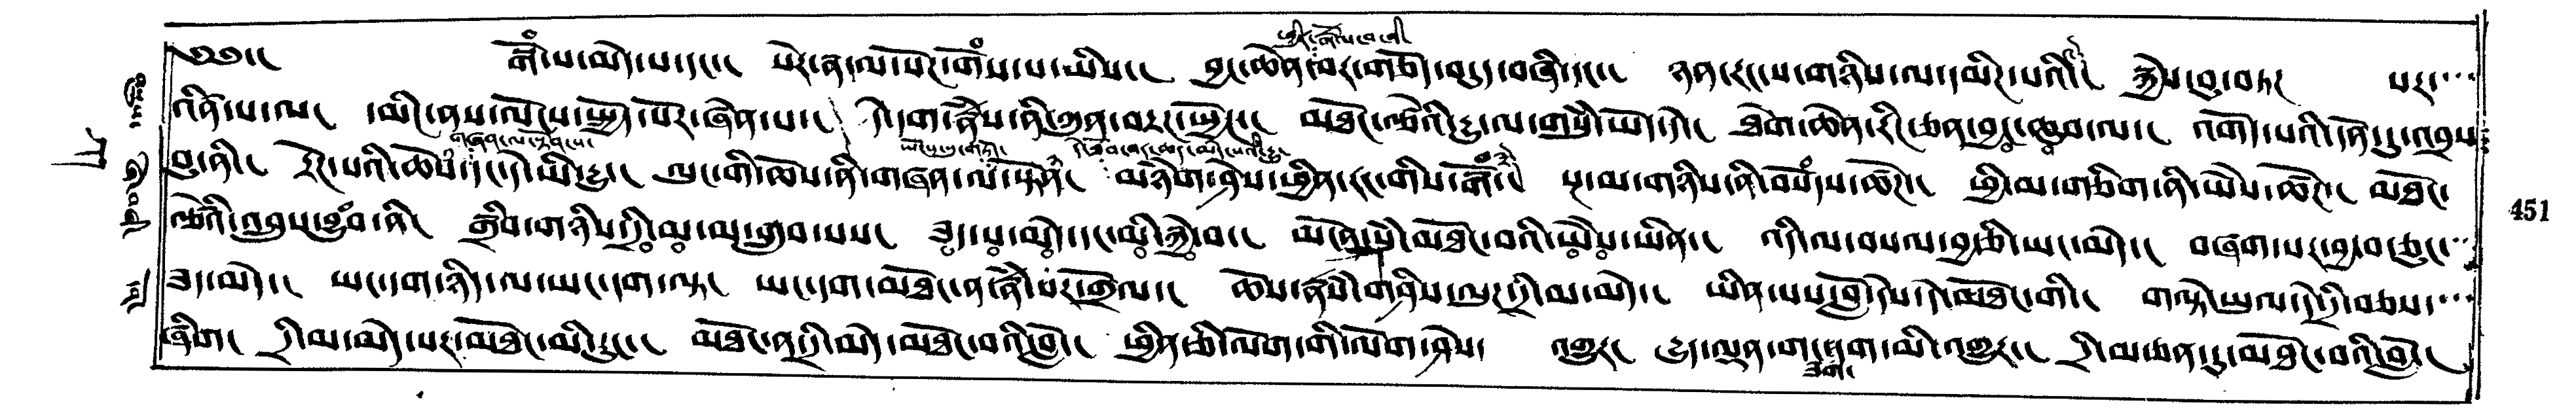སྒོམ་པ་མེད་པ་དང་། །སེར་སྣ་ལ་སོགས་གོམས་པ་ཡི། །བྱང་ཆེན་ཕྱིར་རྒོལ་བ་ནི་བར་གཅོད་བདུད་བཞི་དང་། །ཉན་རང་ས་གཉིས་ལ་དམིགས་པའི། །སྐྱེས་བུ་བཏགས་པར་
འཛིན་པ་ལ། །དམིགས་ནས་ལོངས་སྤྱོད་པོར་ཞེན་པ། །དེ་དག་རྣམས་ནི་ཀུན་བཏགས་ཕྱོགས། །མཐོང་རྩེའི་རྒྱུ་ལ་གསུམ་ཡོད་དེ། །ཐེག་ཆེན་རིགས་ཅན་བྱང་ཆུབ་ལ། །འགོད་པའི་དོན་དུ་འབྲས་
བུ་ནི། །རྟོགས་པའི་ཆོས་གཞན་ལ་སྟོན་པ་དང་དེ་ཡི་རྒྱུ། །ལུང་གི་ཆོས་ནི་གཞན་ལ་ཡོངས་སུ་གཏོད་སྟོན།། དེ་ཐོབ་བར་ཆད་མེད་པའི་རྒྱུ་མཉམ་བཞག་ཤེས་ཕྱིན་རང་གིས་སྒོམ། །སྔ་མ་གཉིས་ནི་བསོད་ནམས་ཚོགས། །ཕྱི་མ་གཅིག་ནི་ཡེ་ཤེས་ཚོགས། །མཐོང་
རྩེའི་འབྲས་བུ་བྱང་ཆུབ་ནི། །སྒྲིབ་གཉིས་དྲི་མ་མ་གྲུབ་པས། །ཟད་པ་མེད་དང་མི་སྐྱེ་བ། །མངོན་སུམ་མཐོང་བའི་ཡེ་ཤེས་ཡིན། །འདི་ལ་བསལ་བྱ་ཅི་ཡང་མེད། །བཞག་པར་བྱ་བ་ཅུང་
ཟད་མེད། །ཡང་དག་ཉིད་ལ་ཡང་དག་ལྟ། །ཡང་དག་མཐོང་ན་རྣམ་པར་གྲོལ། །ཆོས་རྣམས་གཤིས་ལུགས་དྲི་མ་མེད། །ཡིན་པས་བློ་དེས་དེ་མཐོང་གི། །གལ་ཏེ་ཡུལ་དེ་དྲི་བཅས་
ཞིག །དྲི་མ་མེད་པར་མཐོང་མི་རུང་། །མཐོང་ན་དྲི་མེད་མཐོང་བའི་བློ། །ཕྱིན་ཅི་ལོག་གི་ལོག་ཤེས་འགྱུར། །རྒྱུད་ལྡན་གང་ཟག་དག་མི་འགྱུར། །དྲི་མ་ཅན་དུ་མཐོང་བའི་བློ།།